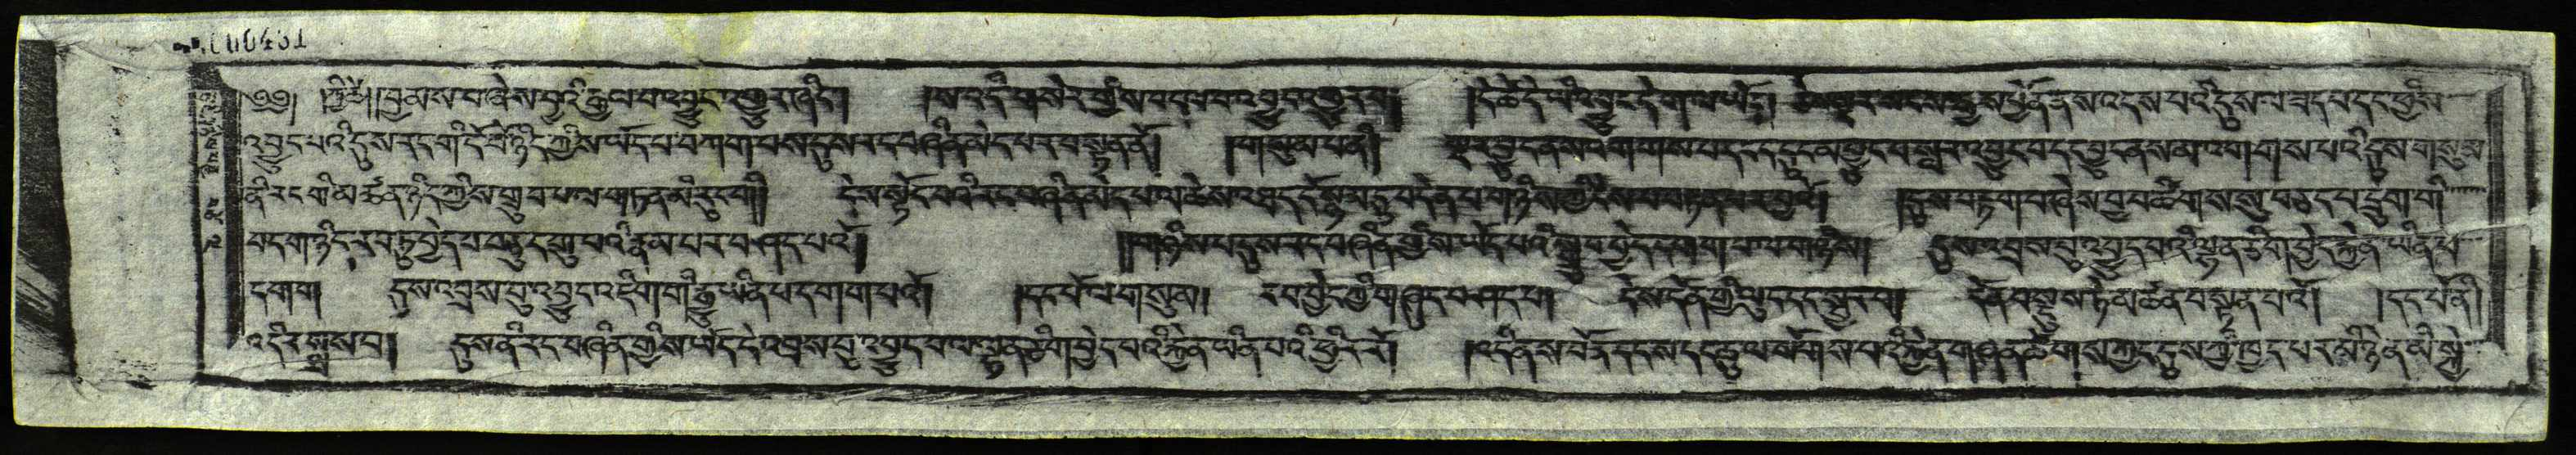༄༅། །ཀྱི་ཚེ། །བྱམས་པ་ཞེས་བྱའི་རྒྱལ་བ་འབྱུང་འགྱུར་ཞིང་། །ས་འདི་གསེར་གྱིས་བདལ་བ་འབྱུང་འགྱུར་བ། །དེ་ཚེ་དེ་ཡི་འབྱུང་དེ་ག་ལ་ཡོད། ཅེས་སྔར་སངས་རྒྱས་བྱོན་ནས་འདས་པའི་དུས་ལ་ཟད་པ་དང་ཕྱིས་
འབྱུང་བའི་དུས་རང་གི་ངོ་བོ་ཉིད་ཀྱིས་ཡོད་པ་བཀག་པས་དུས་རང་བཞིན་མེད་པར་བསྟན་ནོ། །གསུམ་པ་ནི། སྔར་བྱུང་ནས་འགགས་པ་དང་ད་དུང་མ་བྱུང་བ་སླར་འབྱུང་བ་དང་བྱུང་ནས་མ་འགགས་པའི་དུས་གསུམ་
ནི་རང་གི་མཚན་ཉིད་ཀྱིས་གྲུབ་པ་ལ་གཏན་མི་རུང་གི། དེས་སྟོང་པའི་རང་བཞིན་མེད་པ་ལ་ཆེས་འཐད་དོ་སྙམ་དུ་བདེན་པ་གཉིས་ཀྱི་ངེས་པ་བརྟན་པར་བྱའོ། །དུས་བརྟག་པ་ཞེས་བྱ་བ་ཚིགས་སུ་བཅད་པ་དྲུག་གི་
བདག་ཉིད་རབ་ཏུ་བྱེད་པ་བཅུ་དགུ་པའི་རྣམ་པར་བཤད་པའོ།། །།གཉིས་པ་དུས་རང་བཞིན་གྱིས་ཡོད་པའི་སྒྲུབ་བྱེད་དགག་པ་ལ་གཉིས། དུས་འབྲས་བུ་འབྱུང་བའི་ལྷན་ཅིག་བྱེད་རྐྱེན་ཡིན་པ་
དགག་དུས་འབྲས་བུ་འབྱུང་འཇིག་གི་རྒྱུ་ཡིན་པ་དགག་པའོ། །དང་པོ་ལ་གསུམ། རབ་བྱེད་ཀྱི་གཞུང་བཤད་པ། ངེས་དོན་གྱི་ལུང་དང་སྦྱར་བ། དོན་བསྡུས་ཏེ་མཚན་བསྟན་པའོ། །དང་པོ་ནི།
འདིར་སྨྲས་པ། དུས་ནི་རང་བཞིན་གྱིས་ཡོད་དེ་འབྲས་བུ་འབྱུང་བ་ལ་ལྷན་ཅིག་བྱེད་པའི་རྐྱེན་ཡིན་པའི་ཕྱིར་རོ། །འདི་ན་ས་བོན་དང་ས་དང་ཆུ་ལ་སོགས་པའི་རྐྱེན་གཞན་ཚོགས་ཀྱང་དུས་ཀྱི་ཁྱད་པར་མི་ཉེན་མི་སྐྱེ་